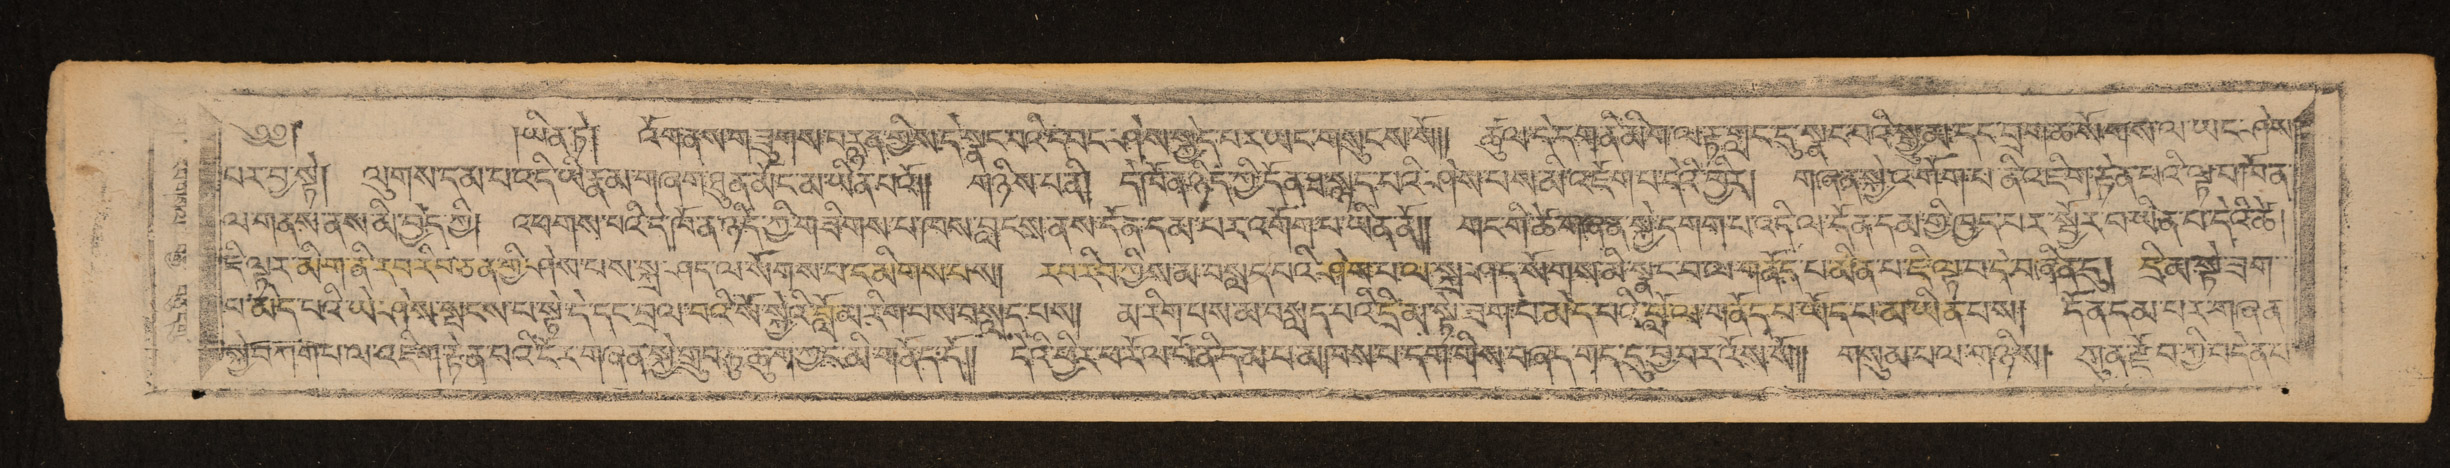༄༅། །ཡིན་ཏེ། འོག་ནས་གཟུགས་བརྙན་གྱིས་དེ་སྣང་བའི་དབང་ཤེས་སྐྱེད་པར་ཡང་གསུངས་སོ།། ཚུལ་དེ་དག་ནི་མིག་ལ་རྟ་གླང་དུ་སྣང་བའི་སྒྱུ་མ་དང་བྲག་ཆ་སོགས་ལ་ཡང་ཤེས་
པར་བྱ་སྟེ། ལུགས་དམ་པ་འདི་ཡི་རྣམ་གཞག་ཐུན་མོང་མ་ཡིན་པའོ།། གཉིས་པ་ནི། དེ་ཁོ་ན་ཉིད་ཀྱི་དོན་ཐ་སྙད་པའི་ཤེས་པས་མི་འཇོག་པ་དེའི་ཕྱིར། གཞན་སྐྱེ་འགོག་པ་ནི་འཇིག་རྟེན་པའི་ལྟ་བ་ཁོ་ན་
ལ་གནས་ནས་མི་བྱེད་ཀྱི། འཕགས་པའི་དེ་ཁོ་ན་ཉིད་ཀྱི་གཟིགས་པ་ཁས་བླངས་ནས་དོན་དམ་པར་འགོག་པ་ཡིན་ནོ།། གང་གི་ཚེ་གཞན་སྐྱེ་དགག་པ་འདི་ལ་དོན་དམ་གྱི་ཁྱད་པར་སྦྱོར་བ་ཡིན་པ་དེའི་ཚེ།
ཇི་ལྟར་མིག་ནི་རབ་རིབ་ཅན་གྱི་ཤེས་པས་སྐྲ་ཤད་ལ་སོགས་པ་དམིགས་པས། རབ་རིབ་ཀྱིས་མ་བསླད་པའི་ཤེས་པ་ལ་སྐྲ་ཤད་སོགས་མི་སྣང་བ་ལ་གནོད་པ་མིན་པ་ཇི་ལྟ་བ་དེ་བཞིན་དུ། དྲི་མ་སྟེ་ཟག་
པ་མེད་པའི་ཡེ་ཤེས་སྤངས་པ་སྟེ་དེ་དང་བྲལ་བའི་སོ་སྐྱེའི་བློ་མ་རིག་པས་བསླད་པས། མ་རིག་པས་མ་བསླད་པའི་དྲི་མ་སྟེ་ཟག་པ་མེད་པའི་བློ་ལ་གནོད་པ་ཡོད་པ་མ་ཡིན་པས། དོན་དམ་པར་གཞན་
སྐྱེ་བཀག་པ་ལ་འཇིག་རྟེན་པའི་ངོར་གཞན་སྐྱེ་གྲུབ་ཏུ་ཆུག་ཀྱང་མི་གནོད་དོ།། དེའི་ཕྱིར་ཕ་རོལ་པོ་ནི་དམ་པ་མཁས་པ་དག་གིས་བཞད་གད་དུ་བྱ་བར་འོས་སོ།། གསུམ་པ་ལ་གཉིས། ཀུན་རྫོབ་ཀྱི་བདེན་པ་